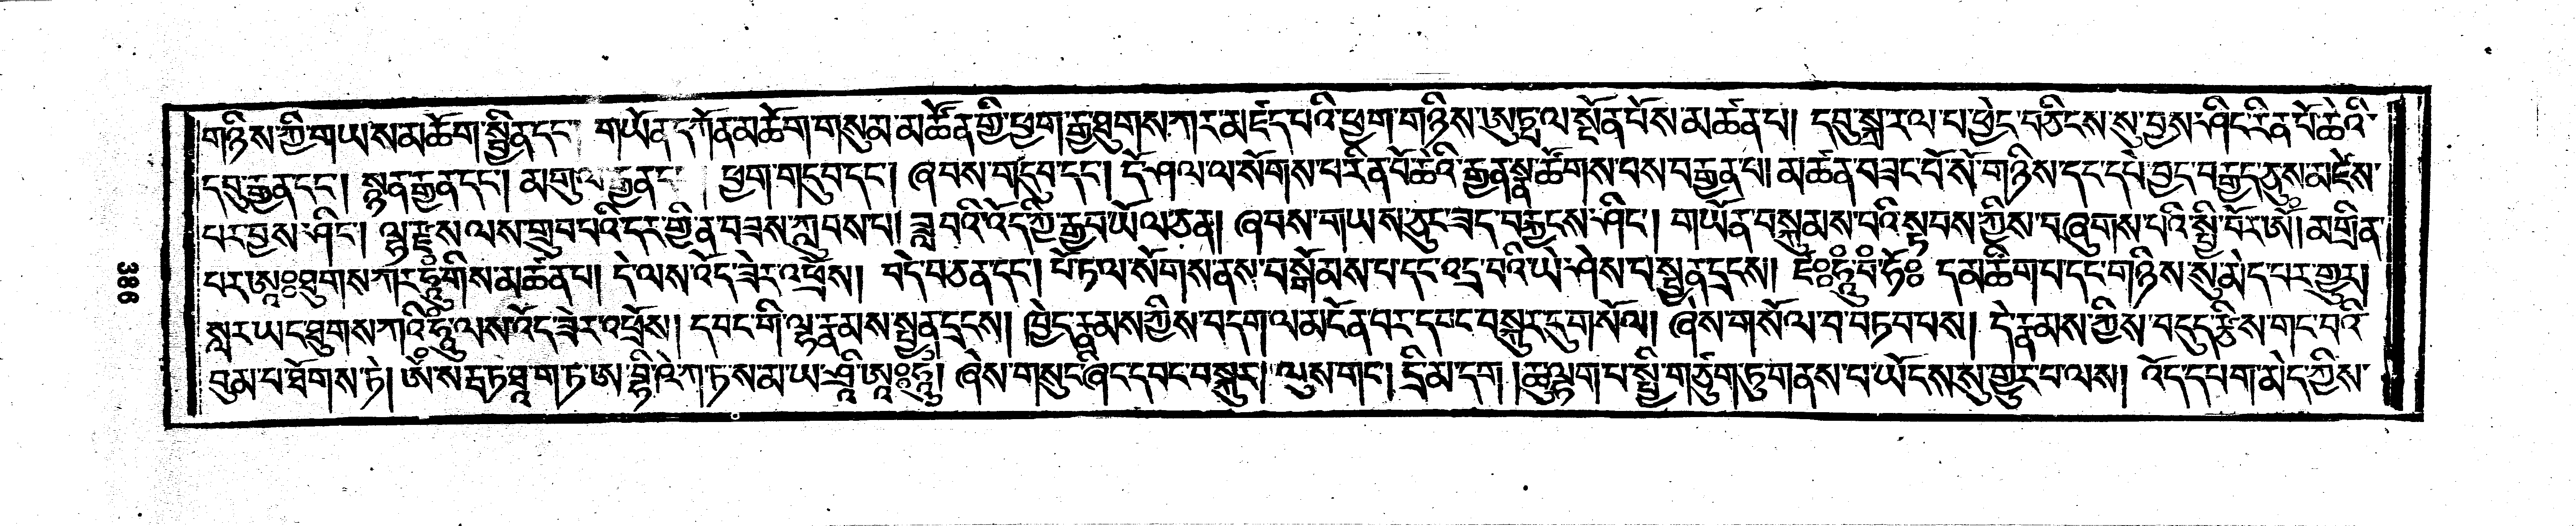གཉིས་ཀྱི་གཡས་མཆོག་སྦྱིན་དང་། གཡོན་དཀོན་མཆོག་གསུམ་མཚོན་གྱི་ཕྱག་རྒྱ་ཐུགས་ཀར་མཛད་པའི་ཕྱག་གཉིས་ཨུཏྤ་ལ་སྔོན་པོས་མཚན་པ། དབུ་སྐྲ་རལ་པ་ཕྱེད་བཅིངས་སུ་བྱས་ཤིང་རིན་པོ་ཆེའི་
དབུ་རྒྱན་དང་། སྙན་རྒྱན་དང་། མགུལ་རྒྱན་དང་། ཕྱག་གདུབ་དང་། ཞབས་གདུབ་དང་། དོ་ཤལ་ལ་སོགས་པ་རིན་པོ་ཆེའི་རྒྱན་སྣ་ཚོགས་པས་བརྒྱན་པ། མཚན་བཟང་པོ་སོ་གཉིས་དང་དཔེ་བྱད་བརྒྱད་ཅུས་མཛེས་
པར་བྱས་ཤིང་། ལྷ་རྫས་ལས་གྲུབ་པའི་དར་གྱི་ན་བཟས་ཀླུབས་པ། ཟླ་བའི་འོད་ཀྱི་རྒྱབ་ཡོལ་ཅན། ཞབས་གཡས་ཅུང་ཟད་བརྐྱངས་ཤིང་། གཡོན་བསྐུམས་པའི་སྟབས་ཀྱིས་བཞུགས་པའི་སྤྱི་བོར་ཨོཾ། མགྲིན་
པར་ཨཱཿ ཐུགས་ཀར་ཧཱུཾ་གིས་མཚན་པ། དེ་ལས་འོད་ཟེར་འཕྲོས། བདེ་བ་ཅན་དང་། པོ་ཏ་ལ་སོགས་ནས་བསྒོམས་པ་དང་འདྲ་བའི་ཡེ་ཤེས་པ་སྤྱན་དྲངས། ཛཿ ཧཱུཾ་བཾ་ཧོཿ དམ་ཚིག་པ་དང་གཉིས་སུ་མེད་པར་གྱུར།
སླར་ཡང་ཐུགས་ཀའི་ཧཱུཾ་ལས་འོད་ཟེར་འཕྲོས། དབང་གི་ལྷ་རྣམས་སྤྱན་དྲངས། ཁྱེད་རྣམས་ཀྱིས་བདག་ལ་མངོན་པར་དབང་བསྐུར་དུ་གསོལ། ཞེས་གསོལ་བ་བཏབ་པས། དེ་རྣམས་ཀྱིས་བདུད་རྩིས་གང་བའི་
བུམ་པ་ཐོགས་ཏེ། ཨོཾ་སརྦ་ཏ་ཐཱ་ག་ཏ་ཨ་བྷི་ཥེ་ཀ་ཏ་ས་མ་ཡ་ཤྲཱི་ཨཱཿ ཧཱུཾ། ཞེས་གསུང་ཞིང་དབང་བསྐུར། ལུས་གང་། དྲི་མ་དག །ཆུ་ལྷག་པ་སྤྱི་གཙུག་ཏུ་གནས་པ་ཡོངས་སུ་གྱུར་པ་ལས། འོད་དཔག་མེད་ཀྱིས་